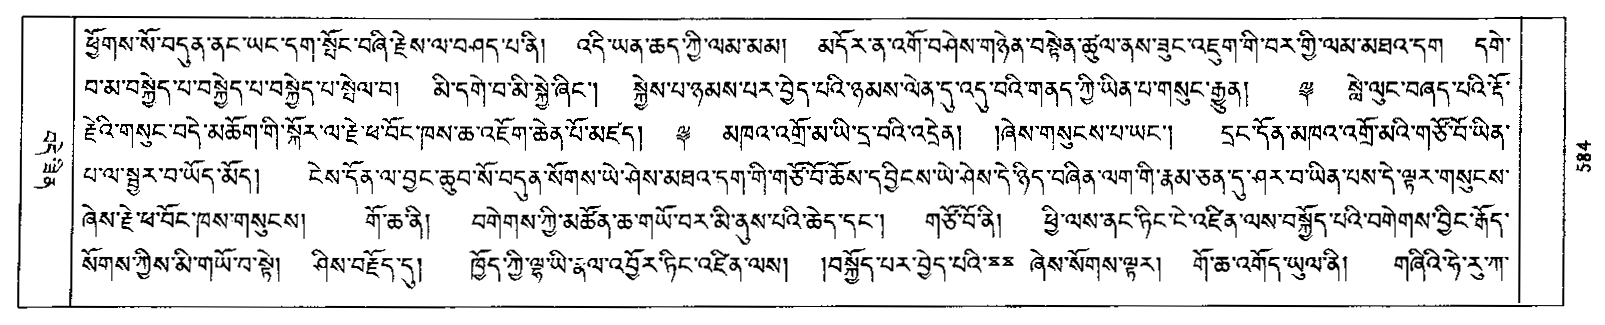ཕྱོགས་སོ་བདུན་ནང་ཡང་དག་སྤོང་བཞི་རྗེས་ལ་བཤད་པ་ནི། འདི་ཡན་ཆད་ཀྱི་ལམ་མམ། མདོར་ན་འོག་བཤེས་གཉེན་བསྟེན་ཚུལ་ནས་ཟུང་འཇུག་གི་བར་གྱི་ལམ་མཐའ་དག་དགེ་
བ་མ་བསྐྱེད་པ་བསྐྱེད་པ་བསྐྱེད་པ་སྤེལ་བ། མི་དགེ་བ་མི་སྐྱེ་ཞིང་། སྐྱེས་པ་ཉམས་པར་བྱེད་པའི་ཉམས་ལེན་དུ་འདུ་བའི་གནད་ཀྱི་ཡིན་པ་གསུང་རྒྱུན། ༈ སླེ་ལུང་བཞད་པའི་རྡོ་
རྗེའི་གསུང་བདེ་མཆོག་གི་སྐོར་ལ་རྗེ་ཕ་བོང་ཁས་ཆ་འཇོག་ཆེན་པོ་མཛད། ༈ མཁའ་འགྲོ་མ་ཡི་དྲ་བའི་འདྲེན། །ཞེས་གསུངས་པ་ཡང་། དྲང་དོན་མཁའ་འགྲོ་མའི་གཙོ་བོ་ཡིན་
པ་ལ་སྦྱར་བ་ཡོད་མོད། ངེས་དོན་ལ་བྱང་ཆུབ་སོ་བདུན་སོགས་ཡེ་ཤེས་མཐའ་དག་གི་གཙོ་བོ་ཆོས་དབྱིངས་ཡེ་ཤེས་དེ་ཉིད་བཞིན་ལག་གི་རྣམ་ཅན་དུ་ཤར་བ་ཡིན་པས་དེ་ལྟར་གསུངས་
ཞེས་རྗེ་ཕ་བོང་ཁས་གསུངས། གོ་ཆ་ནི། བགེགས་ཀྱི་མཚོན་ཆ་གཡོ་བར་མི་ནུས་པའི་ཆེད་དང་། གཙོ་བོ་ནི། ཕྱི་ལས་ནང་ཏིང་ངེ་འཛིན་ལས་བསྐྱོད་པའི་བགེགས་བྱིང་རྒོད་
སོགས་ཀྱིས་མི་གཡོ་བ་སྟེ། ཤིས་བརྗོད་དུ། ཁྱོད་ཀྱི་ལྷ་ཡི་རྣལ་འབྱོར་ཏིང་འཛིན་ལས། །བསྐྱོད་པར་བྱེད་པའི་྾་྾་ཞེས་སོགས་ལྟར། གོ་ཆ་འགོད་ཡུལ་ནི། གཞིའི་ཧེ་རུ་ཀ་